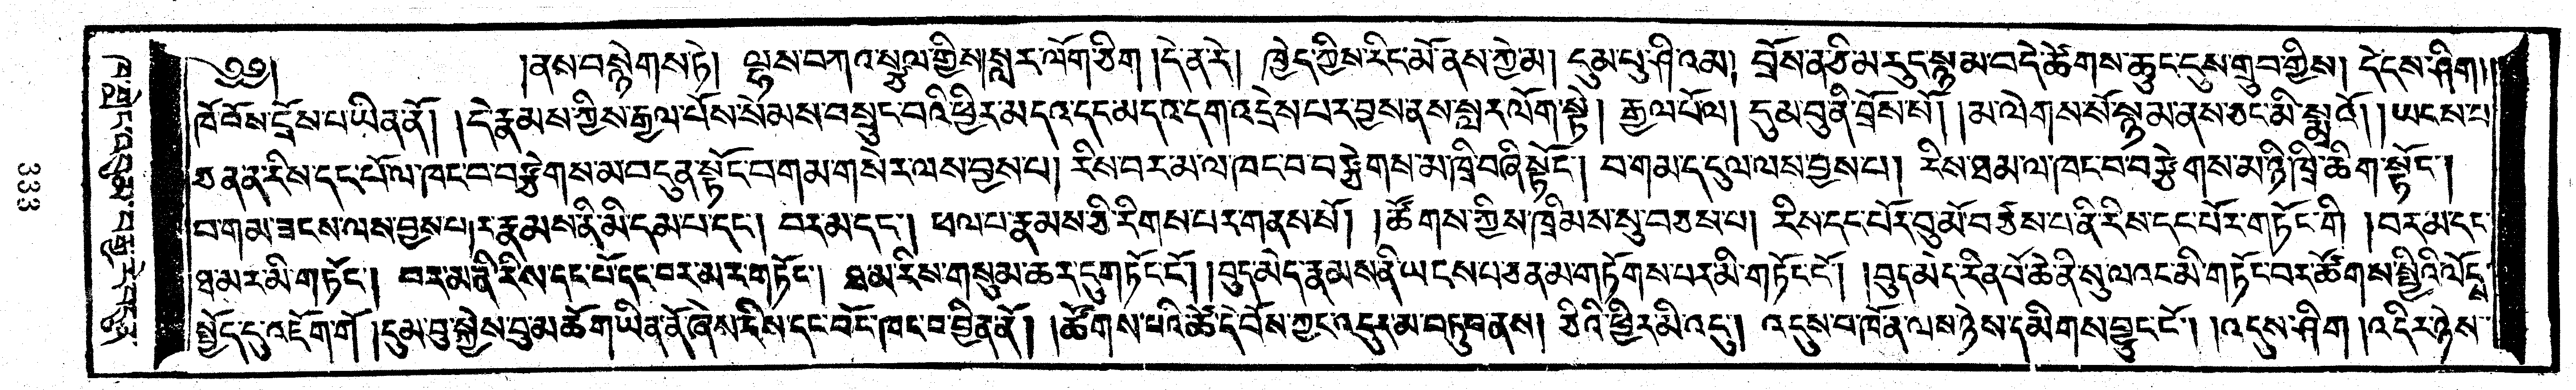༄༅། །ནས་བསྙེགས་ཏེ། ལྷས་བཀའ་སྩལ་གྱིས། སླར་ལོག་ཅིག །དེ་ན་རེ། ཁྱེད་ཀྱིས་རིང་མོ་ནས་ཀྱེ་མ། དུམ་བུ་ཤི་འམ། བྲོས་ན་ཅི་མ་རུང་སྙམ་བདེ་ཚེགས་ཆུང་ངུས་གྲུབ་གྱིས། དེངས་ཤིག།
ཁོ་བོས་དྲོས་པ་ཡིན་ནོ། །དེ་རྣམས་ཀྱིས་རྒྱལ་པོས་སེམས་བསྲུང་བའི་ཕྱིར་མདའ་དང་མདའ་དག་འདྲེས་པར་བྱས་ནས་སླར་ལོག་སྟེ། རྒྱལ་པོ་ལ། དུམ་བུ་ནི་བྲོས་སོ། །མ་ལེགས་སོ་སྙམ་ནས་ཅང་མི་སྨྲའོ། །ཡངས་པ་
ཅན་ན་རིས་དང་པོ་ལ་ཁང་བ་བརྩེགས་མ་བདུན་སྟོང་བ་གམ་གསེར་ལས་བྱས་པ། རིས་བར་མ་ལ་ཁང་བ་བརྩེགས་མ་ཁྲི་བཞི་སྟོང་། བ་གམ་ད་ངུལ་ལས་བྱས་པ། རིས་ཐམ་ལ་ཁང་བ་བརྩེགས་མ་ཉི་ཁྲི་ཆིག་སྟོང་།
བ་གམ་ཟངས་ལས་བྱས་པ། ར་རྣམས་ནི་མི་དམ་པ་དང་། བར་མ་དང་། ཕལ་པ་རྣམས་ཅི་རིགས་པར་གནས་སོ། །ཚོགས་ཀྱིས་ཁྲིམས་སུ་བཅས་པ། རིས་དང་པོར་བུ་མོ་བཙས་པ་ནི་རིས་དང་པོར་གཏོང་གི །བར་མ་དང་
ཐ་མར་མི་གཏོང་། བར་མ་ནི་རིས་དང་པོ་དང་བར་མར་གཏོང་། ཐ་མ་རིས་གསུམ་ཆར་དུ་གཏོང་ངོ། །བུད་མེད་རྣམས་ནི་ཡངས་པ་ཅན་མ་གཏོགས་པར་མི་གཏོང་ངོ། །བུད་མེད་རིན་པོ་ཆེ་ནི་སུ་ལའང་མི་གཏོང་བར་ཚོགས་སྤྱིའི་ལོངས་
སྤྱོད་དུ་འཇོག་གོ །དུམ་བུ་སྐྱེས་བུ་མཆྒོ་ཡིན་ནོ་ཞེས་རིས་དང་བོང་ཁང་བ་བྱིན་ནོ། །ཚོགས་པའི་ཚེ་དེ་བོས་ཀྱང་འདུད་མ་བཏུབ་ནས། ཅིའི་ཕྱིར་མི་འདུ། འདུས་བ་ཁོ་ན་ལས་ཉེས་དམིགས་བྱུང་ངོ། །འདུས་ཤིག །འདིར་ཉེས་